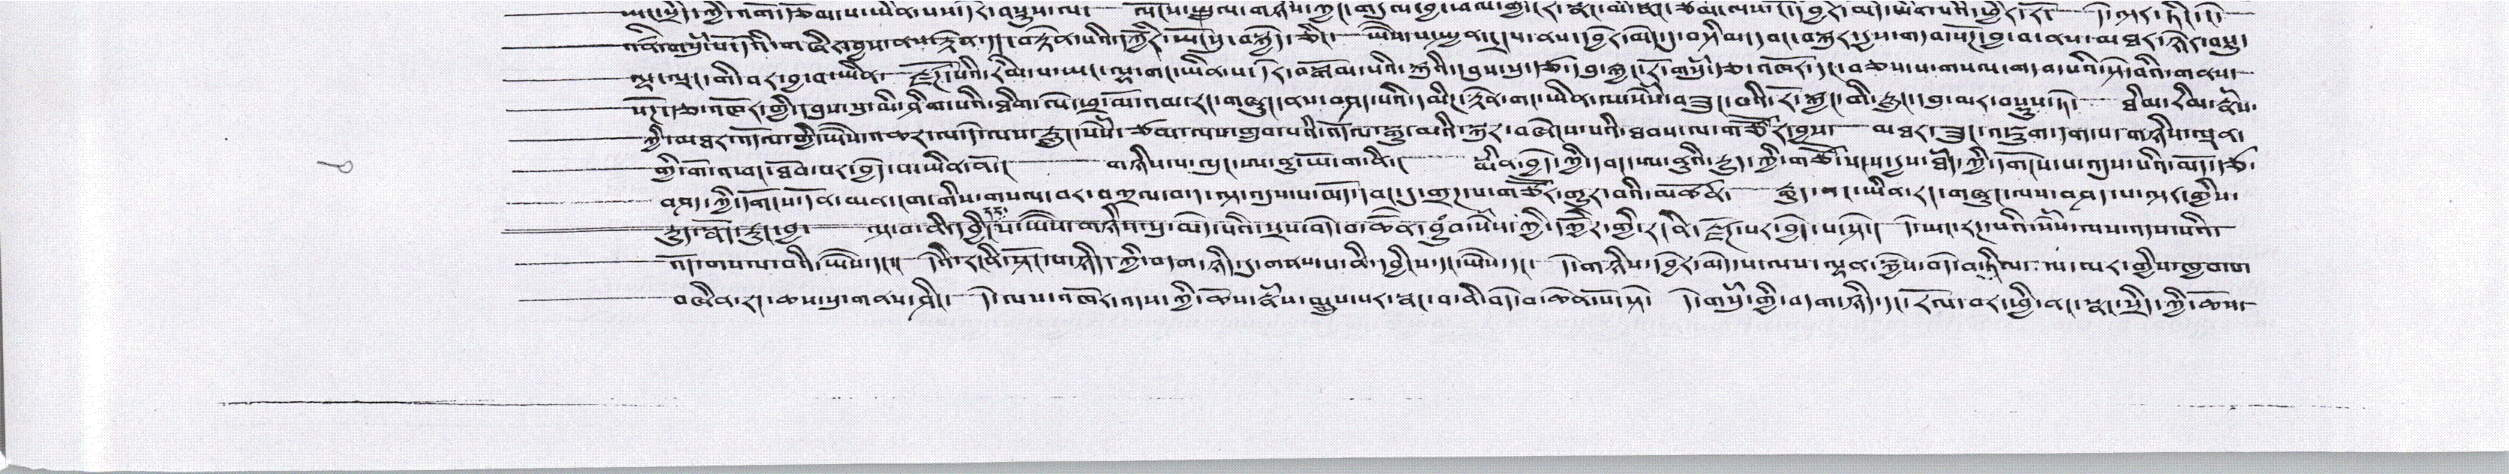ཡང་སྲིད་ཀྱི་འགོ་རྩོམ་པ་ཡིན་པས་དེར་བསྡུས་ལ། ལོངས་སྤྲུལ་གཉིས་ཀྱང་གདུལ་བྱ་ཕལ་གྱི་ངོར་སྣང་མི་སྣང་ཙམ་ལས་ངོ་བོ་དབྱེར་མེད་ཡིན་པའི་ཕྱིར་རོ། དེ་ལྟར་ཏིང་ངེ་
འཛིན་གསུམ་པོ་དེའི་གཞིར་བྱས་ནས་རྟེན་དང་བརྟེན་པའི་དཀྱིལ་འཁོར་ཡོངས་སུ་བསྐྱེད་ཅིང་ཡེ་ཤེས་པ་སྤྱན་དྲངས་ནས་དབྱེར་མེད་དུ་བསྟིམ། དབང་བསྐུར། རྒྱས་གདབ་སོགས་བྱ་བ་ནས་མཐར་ཉེར་བསྡུ་
ལྷ་ལྡང་གི་བར་བྱ་བ་ཡིན། རྫོགས་པའི་རིམ་པ་ཡང་ལྷ་གང་ཡིན་པ་དེར་བསྒོམ་པའི་སྐུ་ཡི་དབུས་སུ་རྩ་དབུ་རྐྱང་རོ་གསུམ་རྩ་འཁོར་དང་བཅས་པ་གསལ་གདབ་པའི་ལྟེ་བའི་གནས་
སོགས་རྩ་འཁོར་གྱི་དབུས་སུ་མི་ཤིག་པའི་ཐིག་ལེ་ཕྲ་མོའམ་རང་གཞུང་ནས་བཤད་པའི་དམིགས་རྟེན་གང་ཡིན་ལ་སེམས་བཟུང་བའི་རོ་རྐྱང་གི་རླུང་དབུ་མར་བསྡུས་ཏེ་ཐིམ་རིམ་རྣམས་
ཀྱི་མཐར་འོད་གསལ་གྱི་ཡེ་ཤེས་འཆར་ལ། དེ་ལས་རླུང་སེམས་ཙམ་ལས་གྲུབ་པའི་འོད་གསལ་སྒྱུ་མའི་སྐུར་བཞེངས་པའི་ཐབས་ལ་གཙོ་བོར་བྱས། མཐར་ཟུང་འཇུག་དག་པ་གཉིས་ལྡན་
གྱི་གོ་འཕང་ཐོབ་པར་བྱ་ཡིན་ནོ། །གཉིས་པ་ལུང་ཨ་ནུ་ཡོ་ག་ནི། སྨིན་བྱེད་ཀྱི་དབང་ཨ་ནུའི་རྒྱུད་ཀྱི་གཙོ་བོ་སངས་རྒྱས་ཐམས་ཅད་ཀྱི་དགོངས་པ་འདུས་པའི་མདོ་རྩ་
བཤད་ཀྱི་དགོངས་དོན་མན་ངག་གིས་གསལ་བར་བཀྲལ་བ་ད་ལྟ་འདུས་པ་མདོ་དབང་དུ་གྲགས་པ་གཙོ་བོར་གྱུར་པས་མཚོན། རྒྱུད་གང་ཡིན་རང་གཞུང་ལས་བཤད་པ་ལྟར་གྱིས་
རྒྱུད་སྣོད་རུང་དུ་བྱ། ལྟ་བ་ནི་དབྱིངས་དང་ཡེ་ཤེས་གཉིས་སུ་མེད་པའི་སྲས་བདེ་བ་ཆེན་པོ་བྱང་ཆུབ་སེམས་ཀྱི་དཀྱིལ་འཁོར་གྱི་རང་བཞིན་རྫོགས་པར་བྱེད་པ་སྟེ། དེ་ཡང་རགས་པའི་སེམས་ལས་འདས་པའི་
འོད་གསལ་བའི་ཡེ་ཤེས་དང་། དེའི་རང་བཞིན་སྟོང་པ་ཉིད་ཀྱི་བདག་ཉིད་དུ་གནས་པ་ནི་དབྱིངས་དང་ཡེ་ཤེས་དང་། དེ་གཉིས་དབྱེར་མེད་ལས་ལྷན་སྐྱེས་བདེ་བ་ཏིལ་ལ་མར་གྱིས་ཁྱབ་
པ་བཞིན་རང་ཆས་སུ་གནས་ཤིང་། དེ་ལས་འཁོར་འདས་ཀྱི་ཆོས་རྣམས་མ་ལུས་པར་སྣང་བ་ནི་བདེ་བ་ཆེན་པོ་སྟེ། དེ་གསུམ་གྱི་བདག་ཉིད་དང་རོལ་པར་ཕྱི་ནང་སྣང་སྲིད་ཀྱི་ཆོས་